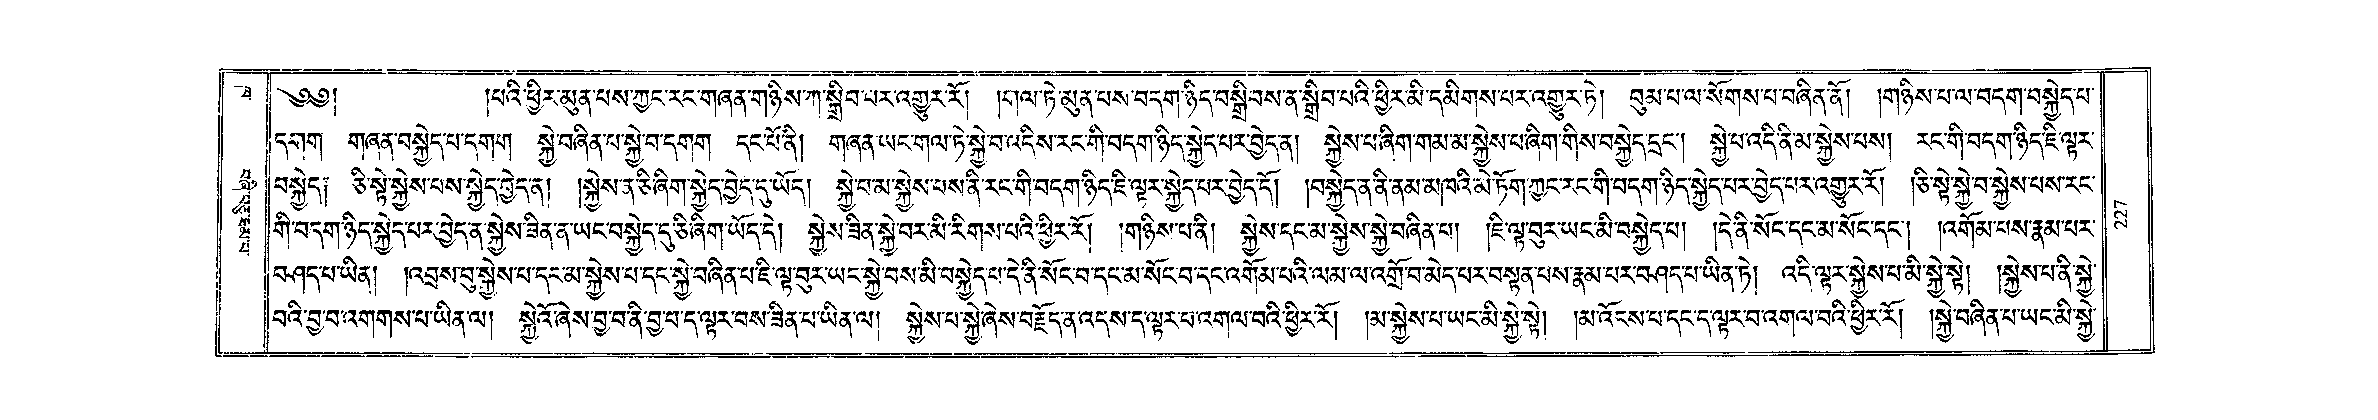༄༅། །པའི་ཕྱིར་མུན་པས་ཀྱང་རང་གཞན་གཉིས་ཀ་སྒྲིབ་པར་འགྱུར་རོ། །གལ་ཏེ་མུན་པས་བདག་ཉིད་བསྒྲིབས་ན་སྒྲིབ་པའི་ཕྱིར་མི་དམིགས་པར་འགྱུར་ཏེ། བུམ་པ་ལ་སོགས་པ་བཞིན་ནོ། །གཉིས་པ་ལ་བདག་བསྐྱེད་པ་
དགག་གཞན་བསྐྱེད་པ་དགག་སྐྱེ་བཞིན་པ་སྐྱེ་བ་དགག་དང་པོ་ནི། གཞན་ཡང་གལ་ཏེ་སྐྱེ་བ་འདིས་རང་གི་བདག་ཉིད་སྐྱེད་པར་བྱེད་ན། སྐྱེས་པ་ཞིག་གམ་མ་སྐྱེས་པ་ཞིག་གིས་བསྐྱེད་དྲང་། སྐྱེ་པ་འདི་ནི་མ་སྐྱེས་པས། རང་གི་བདག་ཉིད་ཇི་ལྟར་
བསྐྱེད༑ ཅི་སྟེ་སྐྱེས་པས་སྐྱེད་བྱེད་ན། །སྐྱེས་ན་ཅི་ཞིག་སྐྱེད་བྱེད་དུ་ཡོད། སྐྱེ་བ་མ་སྐྱེས་པས་ནི་རང་གི་བདག་ཉིད་ཇི་ལྟར་སྐྱེད་པར་བྱེད་དོ། །བསྐྱེད་ན་ནི་ནམ་མཁའི་མེ་ཏོག་ཀྱང་རང་གི་བདག་ཉིད་སྐྱེད་པར་བྱེད་པར་འགྱུར་རོ། །ཅི་སྟེ་སྐྱེ་བ་སྐྱེས་པས་རང་
གི་བདག་ཉིད་སྐྱེད་པར་བྱེད་ན་སྐྱེས་ཟིན་ན་ཡང་བསྐྱེད་དུ་ཅི་ཞིག་ཡོད་དེ། སྐྱེས་ཟིན་སྐྱེ་བར་མི་རིགས་པའི་ཕྱིར་རོ། །གཉིས་པ་ནི། སྐྱེས་དང་མ་སྐྱེས་སྐྱེ་བཞིན་པ། །ཇི་ལྟ་བུར་ཡང་མི་བསྐྱེད་པ། །དེ་ནི་སོང་དང་མ་སོང་དང་། །འགོམ་པས་རྣམ་པར་
བཤད་པ་ཡིན། །འབྲས་བུ་སྐྱེས་པ་དང་མ་སྐྱེས་པ་དང་སྐྱེ་བཞིན་པ་ཇི་ལྟ་བུར་ཡང་སྐྱེ་བས་མི་བསྐྱེད་པ་དེ་ནི་སོང་བ་དང་མ་སོང་བ་དང་འགོམ་པའི་ལམ་ལ་འགྲོ་བ་མེད་པར་བསྟན་པས་རྣམ་པར་བཤད་པ་ཡིན་ཏེ། འདི་ལྟར་སྐྱེས་པ་མི་སྐྱེ་སྟེ། །སྐྱེས་པ་ནི་སྐྱེ་
བའི་བྱ་བ་འགགས་པ་ཡིན་ལ། སྐྱེའོ་ཞེས་བྱ་བ་ནི་བྱ་བ་ད་ལྟར་བས་ཟིན་པ་ཡིན་ལ། སྐྱེས་པ་སྐྱེ་ཞེས་བརྗོད་ན་འདས་ད་ལྟར་པ་འགལ་བའི་ཕྱིར་རོ། །མ་སྐྱེས་པ་ཡང་མི་སྐྱེ་སྟེ། །མ་འོངས་པ་དང་ད་ལྟར་བ་འགལ་བའི་ཕྱིར་རོ། །སྐྱེ་བཞིན་པ་ཡང་མི་སྐྱེ་